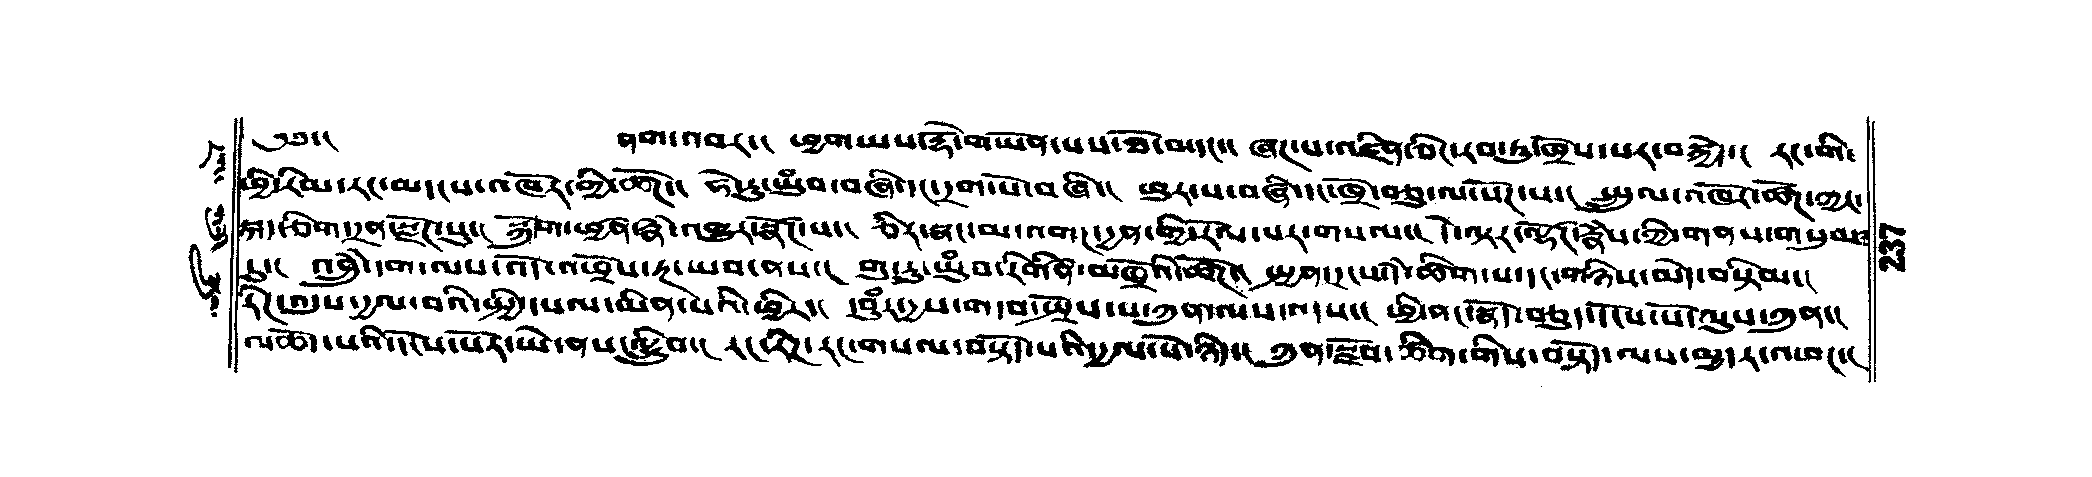ནག་འབར། །ཕྱག་གཡས་རྡོ་རྗེ་གཡོན་པས་ཐོ་བ་དང་། །ཞགས་པ་འཛིན་ཅིང་རབ་ཏུ་ཁྲོས་པར་བསྐྱེད། །རང་གི་
ཕྱི་རིམ་རང་མདངས་འཁོར་གྱི་ཚོགས། །ཧེ་རུ་ཡབ་ཡུམ་བཞི་དང་དྲག་པོ་བཞི། །ཕུར་པ་བཞི་དང་ཁྲོ་བཅུ་ལ་སོགས་པ། །སྤྲུལ་འཁོར་ཚོགས་ཀྱང་
སྐད་ཅིག་དྲན་རྫོགས་སུ། །སྐུ་མདོག་ཕྱག་མཚན་རྣམ་འགྱུར་སྣ་ཚོགས་པ། །ཅིར་སྣང་མ་འགགས་རྒྱན་གྱི་རོལ་པར་གསལ། །དེ་ལྟར་ལྷ་ཚོགས་རྣམས་ཀྱི་གནས་གསུམ་
དུ། །འབྲུ་འབུམ་དག་ལས་འོད་འཕྲོས་རྔ་ཡབ་ནས། །གུ་རུ་ཡབ་ཡུམ་རིག་འཛིན་མཁའ་འགྲོའི་ཚོགས། །སྤྱན་དྲངས་དམ་ཚིག་པ་དང་གཉིས་མེད་བསྟིམ། །
རིགས་འདུས་རྒྱལ་བའི་སྤྱི་དཔལ་ཡིན་པའི་ཕྱིར། །དབང་བསྐུར་རྒྱས་གདབ་སྤྲོས་པ་ཀུན་ལས་འདས། ཕྱི་ནང་སྣོད་བཅུད་དངོས་པོ་མ་ལུས་ཀུན། །
མཆོད་པའི་དངོས་པོར་ཡེ་ནས་ལྷུན་གྱིས་གྲུབ། །རང་རིག་རང་གསལ་བསྟོད་པའི་རྒྱལ་པོ་ཉིད། །ཀུན་རྫོབ་ཚིག་གིས་བསྟོད་ལས་ཁྱད་པར་འཕགས།